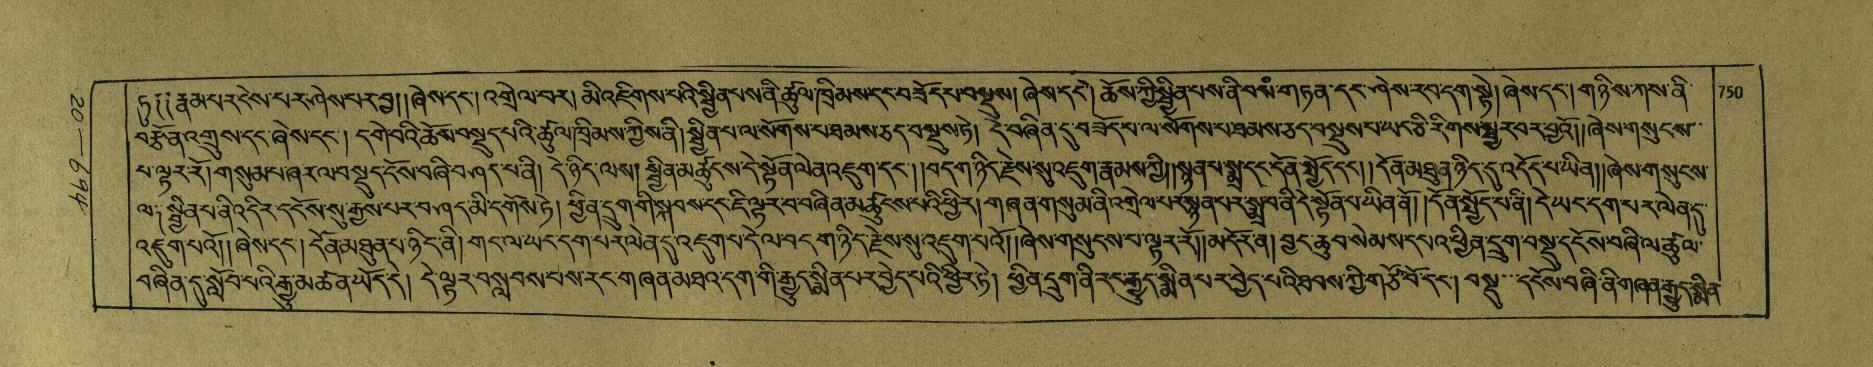ཏུ༑ ༑རྣམ་པར་ངེས་པར་ཤེས་པར་བྱ། །ཞེས་དང་། འགྲེལ་བར། མི་འཇིགས་པའི་སྦྱིན་པས་ནི་ཚུལ་ཁྲིམས་དང་བཟོད་པ་བསྡུས། ཞེས་དང་། ཆོས་ཀྱི་སྦྱིན་པས་ནི་བསཾ་གཏན་དང་ཤེས་རབ་དག་སྟེ། ཞེས་དང་། གཉིས་ཀས་ནི་
བརྩོན་འགྲུས་དང་ཞེས་དང་། དགེ་བའི་ཆོས་བསྡུད་པའི་ཚུལ་ཁྲིམས་ཀྱིས་ནི། སྦྱིན་པ་ལ་སོགས་པ་ཐམས་ཅད་བསྡུས་ཏེ། དེ་བཞིན་དུ་བཟོད་པ་ལ་སོགས་པ་ཐམས་ཅད་བསྡུས་པ་ཡང་ཅི་རིགས་སྦྱར་བར་བྱའོ། །ཞེས་གསུངས་
པ་ལྟར་རོ། །གསུམ་པ་ཞར་ལ་བསྡུད་ངོས་བཞི་བཤད་པ་ནི། དེ་ཉིད་ལས། སྦྱིན་མཚུངས་དེ་སྟོན་ལེན་འཇུག་དང་། །བདག་ཉིད་རྗེས་སུ་འཇུག་རྣམས་ཀྱི། །སྙན་པ་སྨྲ་དང་དོན་སྤྱོད་དང་། །དོན་མཐུན་ཉིད་དུ་འདོད་པ་ཡིན། །ཞེས་གསུངས་
ལ༑ སྦྱིན་པ་ནི་འདིར་དངོས་སུ་རྒྱས་པར་བཤད་མི་དགོས་ཏེ། ཕྱིན་དྲུག་གི་སྐབས་དང་ཇི་ལྟར་བ་བཞིན་མཚུངས་པའི་ཕྱིར། གཞན་གསུམ་ནི་འགྲེལ་པར་སྙན་པར་སྨྲ་བ་ནི་དེ་སྟོན་པ་ཡིན་ནོ། །དོན་སྤྱོད་པ་ནི། དེ་ཡང་དག་པར་ལེན་དུ་
འཇུག་པའོ། །ཞེས་དང་། དོན་མཐུན་པ་ཉིད་ནི། གང་ལ་ཡང་དག་པར་ལེན་དུ་འཇུག་པ་དེ་ལ་བདག་ཉིད་རྗེས་སུ་འཇུག་པའོ། །ཞེས་གསུངས་པ་ལྟར་རོ། །མདོར་ན། བྱང་ཆུབ་སེམས་དཔའ་ཕྱིན་དྲུག་བསྡུ་དངོས་བཞི་ལ་ཚུལ་
བཞིན་དུ་སློབ་པའི་རྒྱུ་མཚན་ཡོད་དེ། དེ་ལྟར་བསླབས་པས་རང་གཞན་མཐའ་དག་གི་རྒྱུད་སྨིན་པར་བྱེད་པའི་ཕྱིར་ཏེ། ཕྱིན་དྲུག་ནི་རང་རྒྱུད་སྨིན་པར་བྱེད་པའི་ཐབས་ཀྱི་གཙོ་བོ་དང་། བསྡུ་དངོས་བཞི་ནི་གཞན་རྒྱུད་སྨིན་